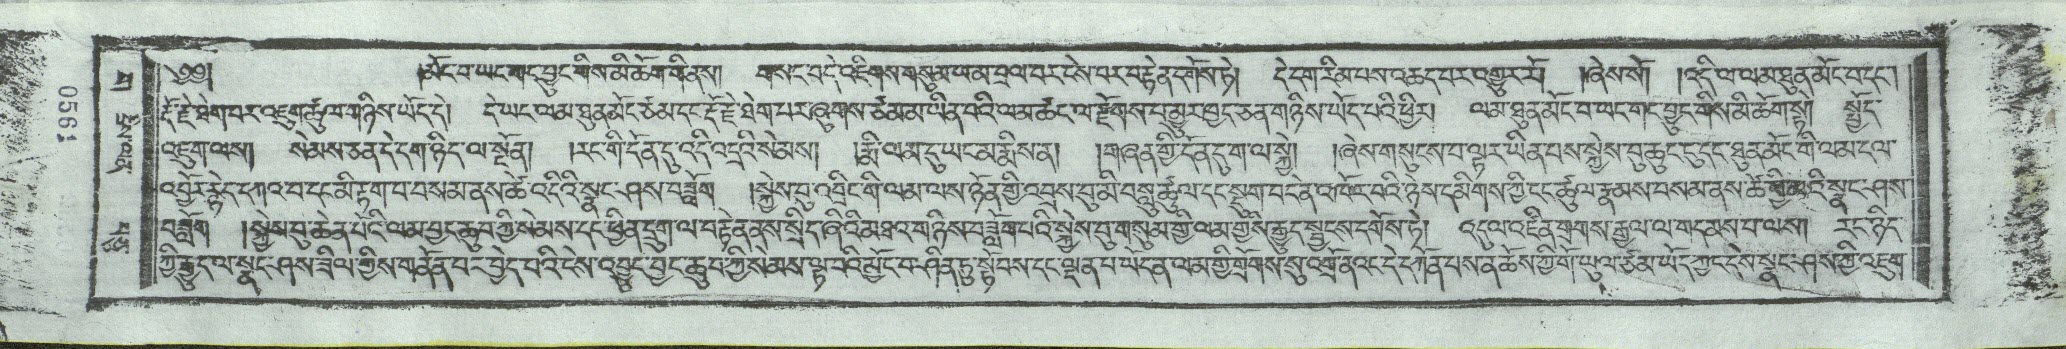༄༅། །མོང་བ་ཡང་གང་བྱུང་གིས་མི་ཆོག་གི་ནས། གསང་བདེ་འཇིགས་གསུམ་ལམ་བྲལ་བར་ངེས་པར་བརྟེན་དགོས་ཏེ། དེ་དག་རིམ་པས་འཆད་པར་འགྱུར་རོ། །ཞེས་སོ། །འདི་ལ་ལམ་ཐུན་མོང་བ་དང་།
རྡོ་རྗེ་ཐེག་པར་འཇུག་ཚུལ་གཉིས་ཡོད་དེ། དེ་ཡང་ལམ་ཐུན་མོང་ཙམ་དང་རྡོ་རྗེ་ཐེག་པར་ཞུགས་ཙམ་མ་ཡིན་པའི་ལམ་ཚང་ལ་རྫོགས་པ་མྱུར་ཁྱད་ཅན་གཉིས་ཡོད་པའི་ཕྱིར། ལམ་ཐུན་མོང་བ་ཡང་གང་བྱུང་གིས་མི་ཆོག་སྟེ། སྤྱོད་
འཇུག་ལས། སེམས་ཅན་དེ་དག་ཉིད་ལ་སྔོན། །རང་གི་དོན་དུ་འདི་འདྲའི་སེམས། །རྨི་ལམ་དུ་ཡང་མ་རྨིས་ན། །གཞན་གྱི་དོན་དུ་ག་ལ་སྐྱེ། །ཞེས་གསུངས་པ་ལྟར་ཡིན་པས་སྐྱེས་བུ་ཆུང་ངུ་དང་ཐུན་མོང་གི་ལམ་དལ་
འབྱོར་རྙེད་དཀའ་བ་དང་མི་རྟག་པ་བསམ་ནས་ཚེ་འདིའི་སྣང་ཤས་བཟློག །སྐྱེས་བུ་འབྲིང་གི་ལམ་ལས་ཉོན་གྱི་འབྲས་བུ་མི་བསླུ་ཚུལ་དང་སྡུག་བདེན་འཁོར་བའི་ཉེས་དམིགས་ཀྱི་ངང་ཚུལ་རྣམས་བསམ་ནས་ཚེ་ཕྱི་མའི་སྣང་ཤས་
བཟློག །སྐྱེས་བུ་ཆེན་པོའི་ལམ་བྱང་ཆུབ་ཀྱི་སེམས་དང་ཕྱིན་དྲུག་ལ་བརྟེན་ནས་སྲིད་ཞིའི་མཐའ་གཉིས་བཟློག་པའི་སྐྱེས་བུ་གསུམ་གྱི་ལམ་གྱིས་རྒྱུད་སྦྱངས་དགོས་ཏེ། འདུལ་འཛིན་གྲགས་རྒྱལ་ལ་གདམས་པ་ལས། རང་ཉིད་
ཀྱི་རྒྱུད་ལ་སྣང་ཤས་ཟིལ་གྱིས་གནོན་པར་བྱེད་པའི་ངེས་འབྱུང་བྱང་ཆུབ་ཀྱི་སེམས་ལྟ་བའི་མྱོང་བ་ཤིན་ཏུ་སྟོབས་དང་ལྡན་པ་ཡོད་ན་ལམ་གྱི་གྲོགས་སུ་འགྲོ་ནའང་དེ་དཀོན་པས་ན་ཆོས་ཀྱི་གོ་ཡུལ་ཙམ་ཡོད་ཀྱང་དེས་སྣང་ཤས་ཀྱི་འཇུག་